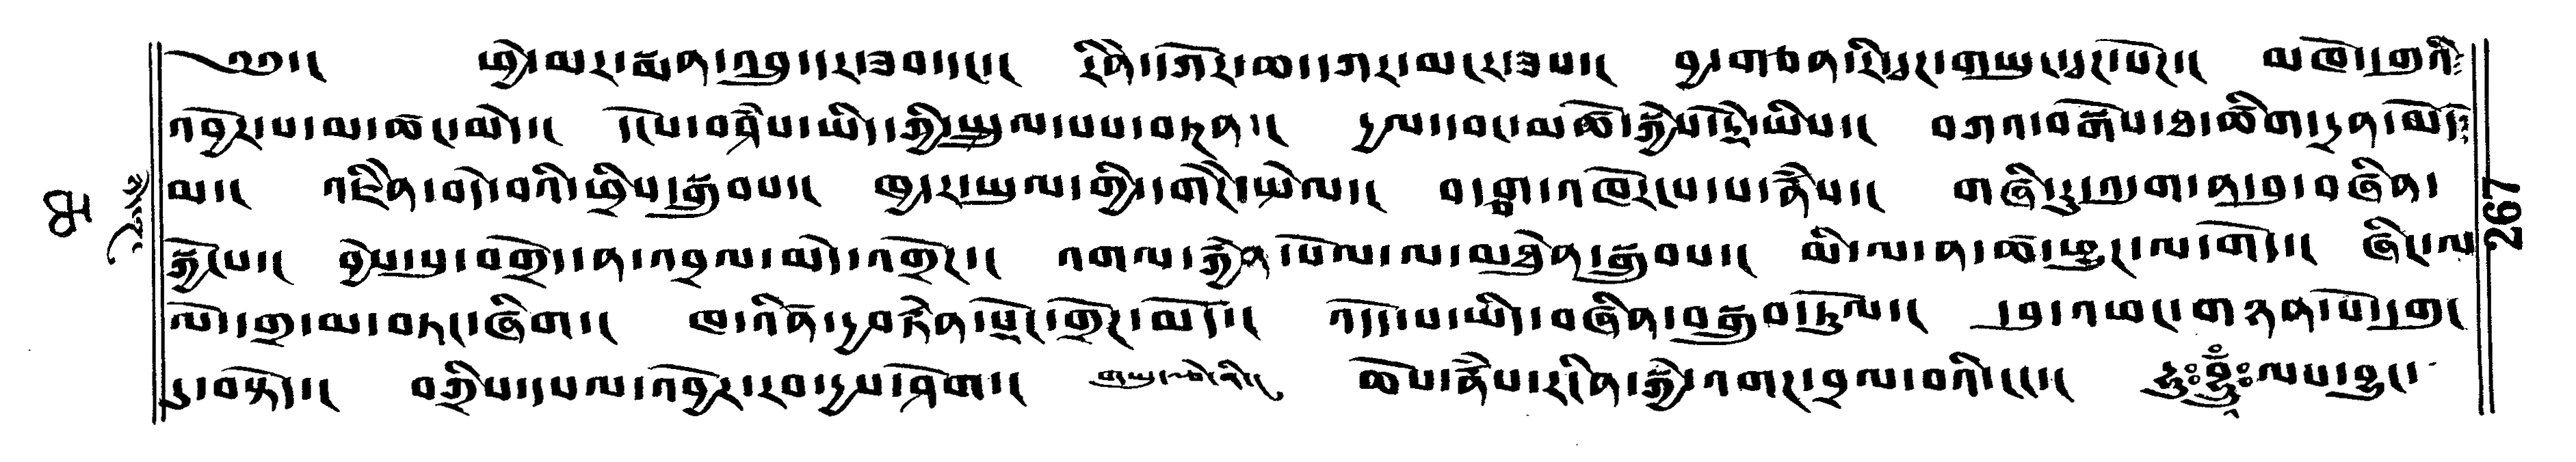།ཕྱེ་མར་སྨན་འབྲུ་དར་ཟབ་དང་། །རིན་ཆེན་དཀོར་ཆ་དཀར་མངར་ཟས། །བྱ་གཅན་རི་དྭགས་གཡུང་དྭགས་སོགས། །མཁོ་དགུའི་
འབྱོར་བ་མ་ཚང་མེད། །དངོས་བཤམས་ཡིད་ཀྱི་སྤྲུལ་པས་བརྔན། །རྒྱལ་དབང་མཚོ་སྐྱེས་རྡོ་རྗེ་ཡིས། །བཀའ་བསྒོས་ཐ་ཚིག་དྲན་མཛོད་
མ། །འཇིག་རྟེན་བདེ་བའི་ཕྲིན་ལས་སྒྲུབས། །ཁྱད་པར་ཡུལ་གྱི་དགེ་ལེགས་སྤེལ། །བདག་ཅག་འཁོར་དང་བཅས་པ་རྣམས། །གཞི་རུ་འདུག་ན་བུ་བཞིན་
སྐྱོངས། །བྱེས་སུ་བགྲོད་ན་འབྲལ་མེད་འགྲོགས། །འགལ་རྐྱེན་སོལ་ལ་མཐུན་རྐྱེན་སྒྲུབས། །མི་ལ་ན་ཚ་ཕྱུགས་ལ་གོད། །ཞིང་ལ་
ལོ་དགྲ་མ་བཏང་ཞིག ཁ་འཛིན་རྒྱབ་བརྟེན་སྡོང་གྲོགས་མཛོད། །འདོད་པ་ཡིད་བཞིན་བསྒྲུབ་ཏུ་གསོལ། །དབུ་འཕང་གཉན་པོ་དགུང་
དུ་བསྟོད། །བཀྲ་ཤིས་དཔལ་འབྱོར་རབ་རྒྱས་ཤོག གཡུ་རྩེ་ནི། །ཆོས་རྣམས་རང་བཞིན་སྐྱེ་འགག་བྲལ་བའི་ངང་། །ཧཱུྃ་བྷཱུྃ་ལས་བྱུང་